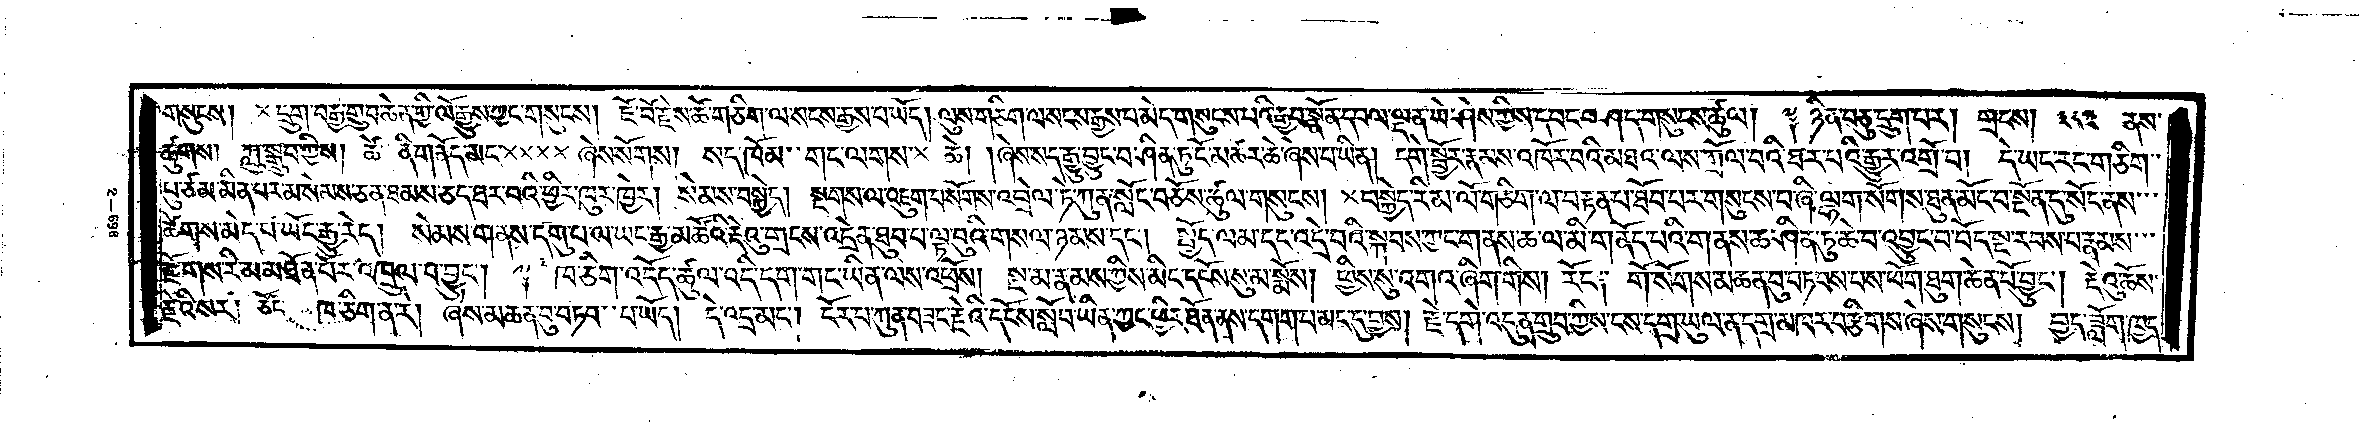གསུངས། ྾་དྲུག་བརྒྱ་གྲུབ་ཆེན་གྱི་ལོ་རྒྱུས་ཀྱང་གསུངས། ཇོ་བོ་རྗེས་ཚེ་གཅིག་ལ་སངས་རྒྱས་པ་ཡོད། ལུས་གཅིག་ལ་སངས་རྒྱས་པ་མེད་གསུངས་པའི་རྒྱབ་སྣོད་དཔལ་ལྡན་ཡེ་ཤེས་ཀྱིས་དབང་བཤད་གསུངས་ཚུལ། ༈ ཉིན་བཅུ་དྲུག་པར། གྲངས། ༣༨༣་ནས་
ཚུགས། ཀླུ་སྒྲུབ་ཀྱིས། ཚེ་ནི་གནོད་མང་྾྾྾་ཞེས་སོགས། སད་ཁོམ་གང་ལགས་྾་ཆེ། །ཞེས་སད་རྒྱུ་བྱུང་བ་ཤིན་ཏུ་ངོ་མཚར་ཆེ་ཞེས་པ་ཡིན། དགེ་སྦྱོར་རྣམས་འཁོར་བའི་མཐའ་ལས་ཀྲོལ་བའི་ཐར་པའི་རྒྱུར་འགྲོ་བ། དེ་ཡང་རང་གཅིག་
བུ་ཙམ་མིན་པར་མ་སེམས་ཅན་ཐམས་ཅད་ཐར་བའི་ཕྱིར་ཁུར་ཁྱེར། སེམས་བསྐྱེད། སྔགས་ལ་འཇུག་པ་སོགས་འབྲེལ་ཏེ་ཀུན་སློང་བཅོས་ཚུལ་གསུངས། ྾་བསྐྱེད་རིམ་ལོ་གཅིག་ལ་བརྟན་པ་ཐོབ་པར་གསུངས་པ་ཞི་ལྷག་སོགས་ཐུན་མོང་བ་སྔོན་དུ་སོང་ནས་
ཚིགས་མེད་པ་ཡོད་རྒྱུ་རེད། སེམས་གནས་དགུ་པ་ལ་ཡང་རྒྱ་མཚོའི་རྡེའུ་གྲངས་འདྲེན་ཐུབ་པ་ལྟ་བུའི་གསལ་ཉམས་དང་། སྤྱོད་ལམ་དང་འདྲེ་བའི་སྐབས་ཀྱང་གནས་ཆ་ལ་མི་གནོད་པའི་གནས་ཆ་ཤིན་ཏུ་ཆེ་བ་འབྱུང་བ་བོད་སྔར་བས་པ་རྣམས་རྫོགས་རིམ་མཐོན་པོར་འཁྲུལ་བ་བྱུང་། ༈ ཁ་ཅིག་འདོད་ཚུལ་འདི་དག་གང་ཡིན་ལས་འཕྲོས། སྔ་མ་རྣམས་ཀྱིས་མིང་དངོས་སུ་མ་སྨོས། ཕྱིས་སུ་འགའ་ཞིག་གིས། རོང༑ གོ་སོགས་མཆན་བུ་བཏབས་པས་ཕོག་ཐུག་ཆེན་པོ་བྱུང་། རྡེའུ་ཆོས་
རྗེའི་སར། ཙོང་ཁ་ཅིག་ན་རེ། ཞེས་མཆན་བུ་བཏབ་པ་ཡོད། དེ་འདྲ་མང་། ངོར་པ་ཀུན་བཟང་རྗེའི་དངོས་སློབ་ཡིན་ཀྱང་ཕྱིར་ཐོན་ནས་དགག་པ་མང་དུ་བྱས། རྗེ་དགེ་འདུན་གྲུབ་ཀྱིས་ངས་དགྲ་ཡུལ་ན་དགྲ་མཁར་བརྩིགས་ཞེས་གསུངས། བྱང་ཟློག་ཁྱད་